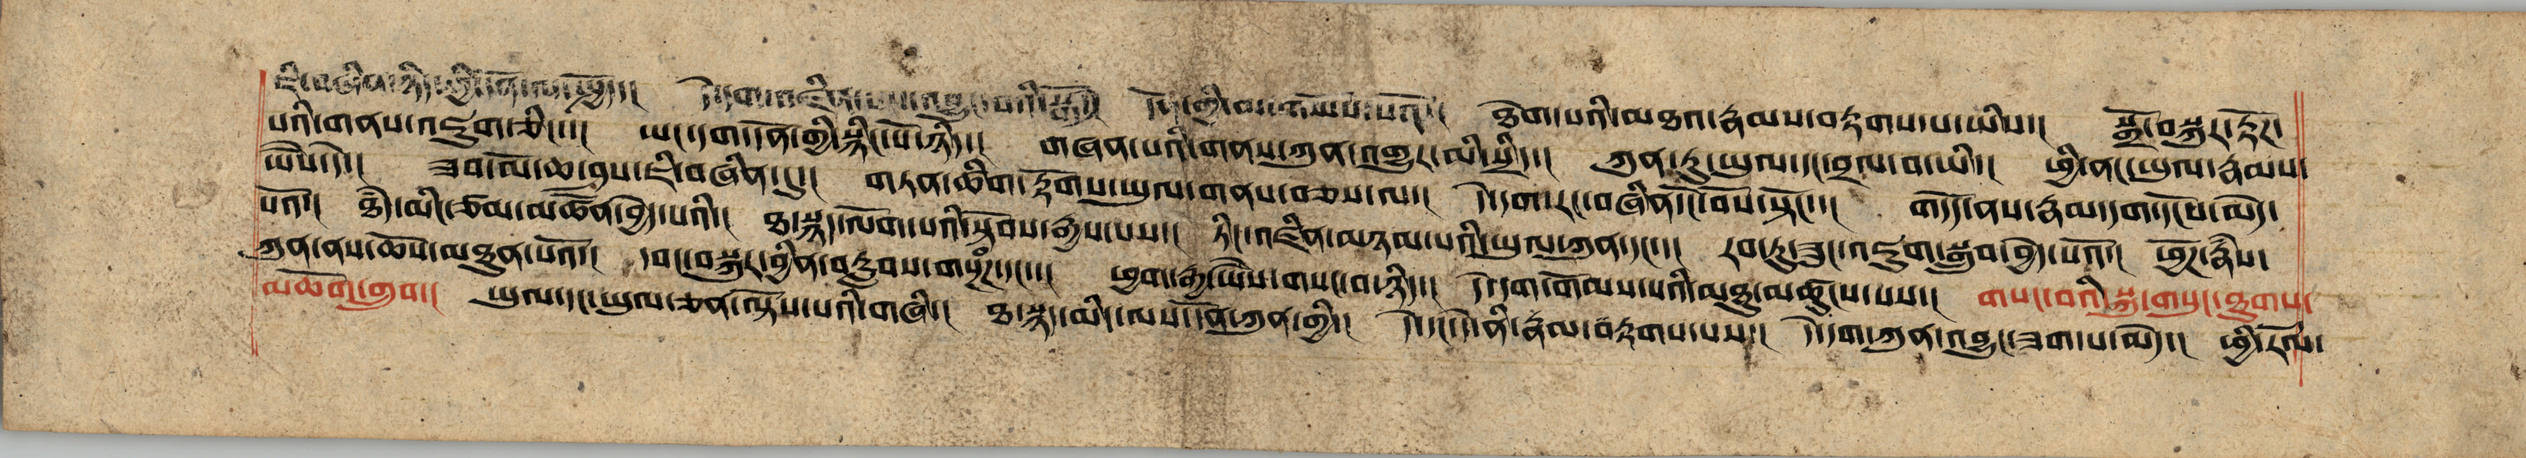ཇི་བཞིན་ཉིད་ཀྱི་དོན་ལ་སྤྱོད་། དེ་དག་འཛིན་པས་འབྱུང་བའི་སྒོ་། དོན་གྱི་མ་གཡོས་པའོ་། ཐེག་པའི་མཐའ་རྣམས་བརྟགས་པ་ཡིས་། སྒྲོ་བསྐུར་རྟོཌ་
པའི་གནས་འཇུག་ཅིང་་། ཡང་དག་དོན་གྱི་སྙིང་པོ་ཉིད་། གཞན་པའི་གནས་ཀུན་འགྱུར་མི་སྲིད་། ཀུན་ཏུ་ཡུལ་དང་བྲལ་བ་ཡི་། ཕྱི་ནང་ཡུལ་རྣམས་
ཡཻས་དེས་། ཟབ་མོ་ཆ་ཤས་ཇི་བཞིན་དུ་། གཏན་ཚིག་རྟོགས་ཡུལ་གནས་བཅས་ལ་། དེ་དག་རང་བཞིན་ངོ་བོས་སྟོང་་། གདོད་ནས་རྣམ་དག་དངོས་མེད་
པའོ་། ཐཾད་མིང་ཙམ་མཚོན་བྱེད་པའི་། ཐ་སྙད་ལོག་པའི་སྟོབས་རྒྱས་པས་། ཏིང་འཛིན་མཉམ་པའི་ཡུལ་ཀུན་དང་་། རབ་ཏུ་ཟུང་འཇུག་སྒྲུབ་བྱེད་པའོ་། ཕྱོཌ་རྣཾས་
ཀུན་ནས་ཆོས་མཐུན་པའོ་། དབང་བསྐུར་བྱིན་བརླབས་གསྔཾཌ་དང་་། ཕྱག་རྒྱ་ཡཻས་གསང་བ་ཉིད་། དེ་དག་གོམས་པའི་མཐུ་མཚུངས་པས་། གསང་བའི་སྐུ་གསུང་ཐུགས་
མཆོག་གྲུབ་། ཡུལ་དང་ཡུལ་ཅན་ལྟོས་པའི་གཞི་། ཐ་སྙད་མིང་ལས་དོན་ཀུན་གྱི་། དེ་དང་དེ་ནི་རྣམ་བརྟགས་པས་། དེ་དག་ཀུན་འབྱུང་ཟག་པ་མེད་། ཕྱི་རོལ་